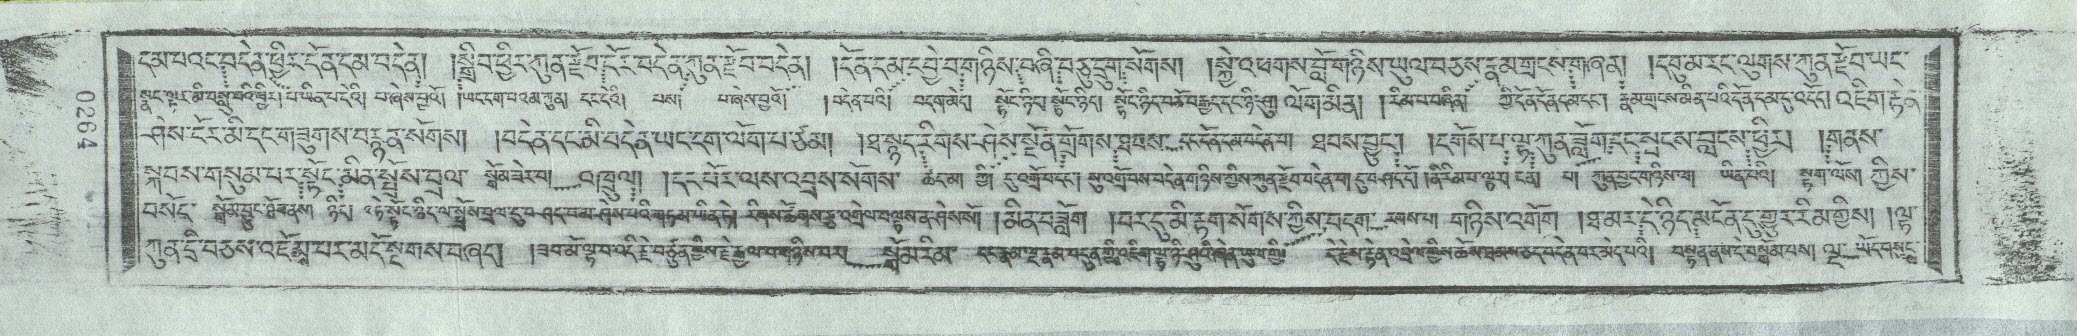དམ་པའང་བདེན་ཕྱིར་དོན་དམ་བདེན། །སྒྲིབ་ཕྱིར་ཀུན་རྫོབ་ངོར་བདེན་ཀུན་རྫོབ་བདེན། །དོན་དམ་དབྱེ་བ་གཉིས་བཞི་བཅུ་དྲུག་སོགས། །སྐྱེ་འཕགས་བློ་གཉིས་ཡུལ་བཅས་རྣམ་གྲངས་གཞན། །དབུ་མ་རང་ལུགས་ཀུན་རྫོབ་ཡང་
སྣང་ལྟར་མི་བསླུ་བའི་ཕྱིར། པ་ཡིད་པ་དེའི། པ་ཞེས་བྱའོ། །ཡང་དག་པ་ལམ་ཀུན། དང་དེའི། པས། པ་ཞེས་བྱའོ། །བདེན་པའོ། བདག་སོང་སྟོང་ཉི་པ་སྟོང་ཉིད། སྟོང་ཉིད་བཅོ་བརྒྱད་དང་ཉི་ཤུ། ལོ་ག་མིན། །རིམ་པ་བཞི། ཀྱེ་དོན་དོན་དམ་དང་། རྣམ་གྲངས་ཞན་བའི་དོན་དམ་དུ་འདོད། འཇིག་རྟེན་
ཤེས་ངོར་མི་དང་གཟུགས་བརྙན་སོགས། །བདེན་དང་མི་བདེན་ཡང་དག་ལོག་པ་ཙམ། །ཐ་སྙད་རིགས་ཤེས་སྔོན་གྲོགས་ཐབས་དང་དོན་དམ་བདེན་པ། ཐབས་བྱུང་། །དགོས་པ་ལྷ་ཀུན་ཟློག་དང་སྤངས་བླངས་ཕྱིར། །གནས་
སྐབས་གསུམ་པར་སྟོང་མིན་སྤྲོས་བྲལ་ལྷོང་ཟེར་བ། འཁྲུལ། །དང་པོར་ལས་འབྲས་སོགས་ཚད་མ། ཀྱི། དུ་འགྲོ་བ་དང་། སུ་འགྲོ་བས་བདེན་གཉིས་ཀྱིས་ཀུན་རྫོབ་བདེན་གདུང་ཤད་དོ། །ནི་རིམ་པ་ལྷག་པ་ན། །པ། ཀུན་བྱང་གཉིས་ལ། ཡིན་པའི། སྟག་ཡོད། ཀྱིས་
བསོད་སློབ་བྱུང་ཐོབ་ནས། ཉིད། བརྟེ་སྟོང་ཉིད་ལ་སྤྲོས་འཁྲལ་དུ་བཤད་པ་མ་ཤེས་པའི་གཏམ་ཡིན་ཏེ། རིགས་ཚོགས་རྩ་བཀྲེལ་བསྟས་ན་ཤེས་སོ། །མིན་བཟློག། །བར་དུ་མི་རྟག་སོགས་ཀྱིས་བདག་རགས་ལ། །གཉིས་འགོག །ཐ་མར་དེ་ཉིད་མངོན་དུ་གྱུར་རིམ་གྱིས། །ལྟ་
ཀུན་དྲི་བཅས་འཇོམས་པར་མདོ་སྔགས་བཞད། །ཟབ་མོ་ལྟ་བ་འདི་རྗེ་བཙུན་གྱིས་རྗེ་རྒྱལ་གཉིས་བར། སྒོམ་རིམ་དང་རྣམ་ལྔ་རྣམ་བདུན་ཀྱི་འཇིག་ལྟ་ཉི་ཤུང་ཞེན་ཡུལ་གྱི། དེ་རྗེས་རྟེན་འབྲེལ་གྱིས་ཆོས་ཐམས་ཅད་བདེན་པར་མེད་པའི། བསྟན་ནས་དེ་བསྒོམ་པས། ལྔ་ཡོད་??